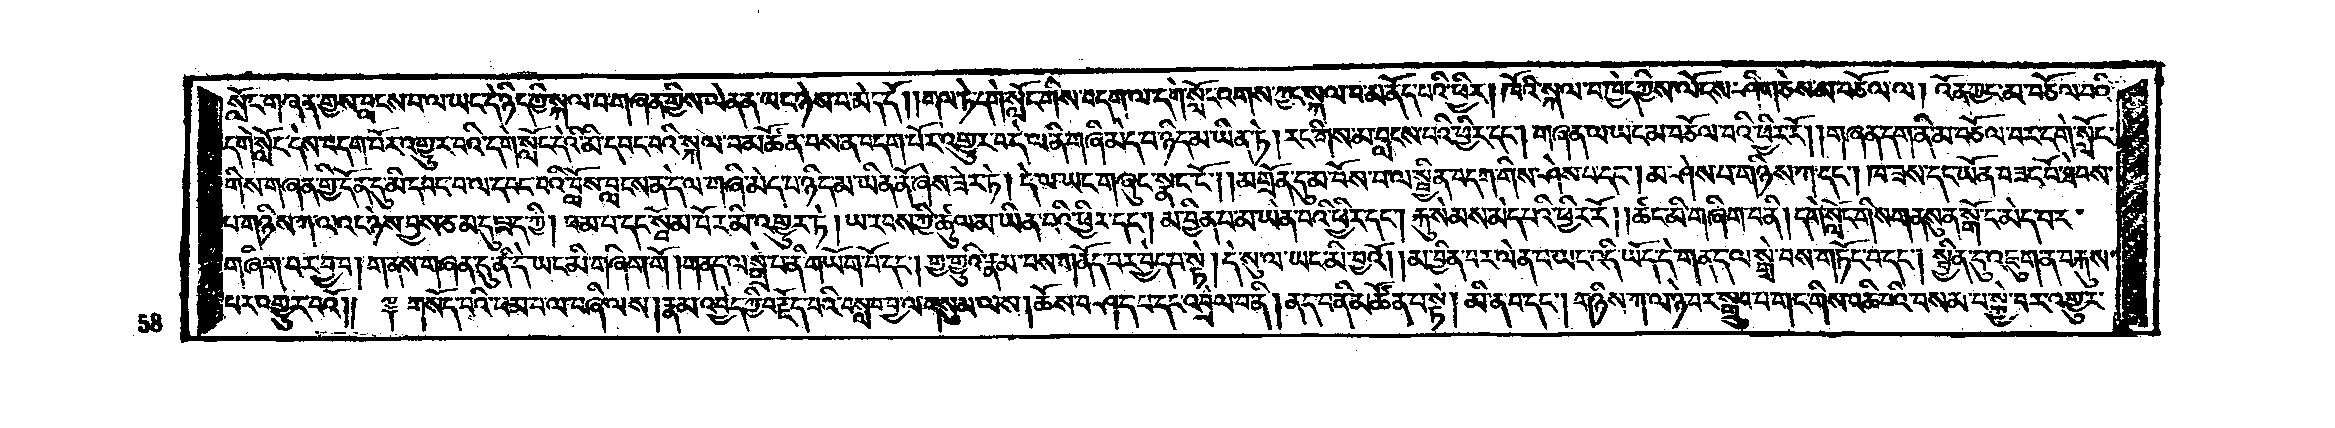སློང་གཞན་གྱིས་བླངས་པ་ལ་ཡང་དེ་ཉིད་ཀྱི་སྐལ་བ་གཞན་གྱིས་ལེན་ན་ཡང་ཉེས་པ་མེད་དོ། །གལ་ཏེ་དགེ་སློང་གིས་བདག་ལ་དགེ་སློང་འགས་ཀྱང་སྐལ་བ་མ་ནོད་པའི་ཕྱིར། ཁོའི་སྐལ་བ་ཁྱེད་ཀྱིས་ལོངས་ཤིག་ཅེས་མ་བཅོལ་ལ། འོན་ཀྱང་མ་བཅོལ་བའི་
དགེ་སློང་དེས་བདག་པོར་འགྱུར་བའི་དགེ་སློང་དེའི་མི་དབང་བའི་སྐལ་བ་མཚོན་པས་ན་བདག་པོར་འགྱུར་བ་དེ་ལ་ནི་གཞི་མེད་པ་ཉིད་མ་ཡིན་ཏེ། རང་གིས་མ་བླངས་པའི་ཕྱིར་དང་། གཞན་ལ་ཡང་མ་བཅོལ་བའི་ཕྱིར་རོ། །གཞན་དག་ནི་མ་བཅོལ་བར་དགེ་སློང་
གིས་གཞན་གྱི་དོན་དུ་མི་དབང་བལ་དབང་བའི་བློས་བླངས་ན་དེ་ལ་གཞི་མེད་པ་ཉིད་མ་ཡིན་ནོ་ཞེས་ཟེར་ཏེ། དེ་ལ་ཡང་གཞུང་སྣང་ངོ། །མགྲོན་དུ་མ་བོས་པ་ལ་སྦྱིན་བདག་གིས་ཤེས་པ་དང་། མ་ཤེས་པ་གཉིས་ཀ་དང་། ཁ་ཟས་དང་ཡོན་བཟང་པོ་ཐེབས་
པ་གཉིས་ཀ་ལའང་ཉེས་བྱས་ཙམ་དུ་ཟད་ཀྱི། ཕམ་པ་དང་སྦོམ་པོར་མི་འགྱུར་ཏེ། ཡ་རབས་ཀྱི་ཚུལ་མ་ཡིན་པའི་ཕྱིར་དང་། མ་བྱིན་པ་མ་ཡིན་པའི་ཕྱིར་དང་། རྐུ་སེམས་མེད་པའི་ཕྱིར་རོ། །ཚང་མི་གཞིག་པ་ནི། དགེ་སློང་གིས་གནས་སུ་ན་སྒོ་ང་མེད་པར་
གཞིག་པར་བྱ་བ། གནས་གཞན་དུ་ནི་དེ་ཡང་མི་གཞིག་གོ །གནད་ལ་སྒྲེ་པ་ནི་གཡོག་པོ་དང་། གྱ་གྱུའི་རྣམ་པས་གནོད་པར་བྱེད་པ་སྟེ། དེ་སུ་ལ་ཡང་མི་བྱའོ། །མ་བྱིན་པར་ལེན་པ་ཡང་འདི་ཡོད་དེ་གནད་ལ་སྒྲེ་བས་གཏོང་བ་དང་། སྦྱིན་དུ་འཇུག་ན་བརྐུས་
པར་འགྱུར་བའོ།། ༈ གསོད་པའི་ཕམ་པ་ལ་བཞི་ལས། རྣམ་འབྱེད་ཀྱི་བརྗོད་པའི་བསླབ་བྱ་ལ་གསུམ་ལས། ཆོས་བཤད་པ་དང་འབྲེལ་བ་ནི། ནད་པ་ནི་མཚོན་པ་སྟེ། མི་ན་བ་དང་། གཉིས་ཀ་ལ་ཉེ་བར་སྒྲུབ་པ་གང་གིས་འཆི་བའི་བསམ་པ་སྐྱེ་བར་འགྱུར་